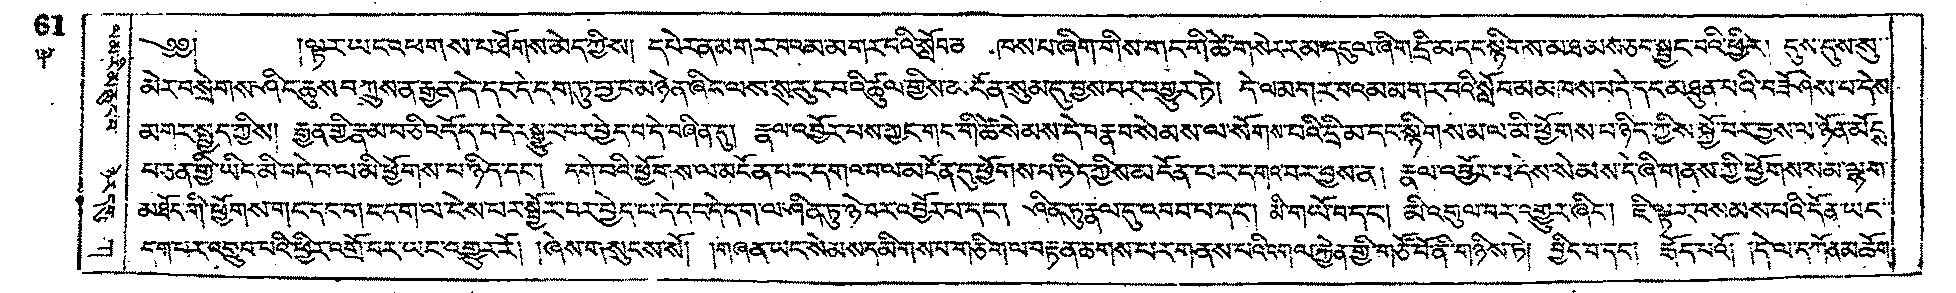༄༅། །ལྟར་ཡང་འཕགས་པ་ཐོགས་མེད་ཀྱིས། དཔེར་ན་མགར་བའམ་མགར་བའི་སློབ་མ་མཁས་པ་ཞིག་གིས་གང་གི་ཚེ་གསེར་རམ་དངུལ་ཞིག་དྲི་མ་དང་སྙིགས་མ་ཐམས་ཅད་སྦྱང་བའི་ཕྱིར། དུས་དུས་སུ་
མེར་བསྲེགས་ཤིང་ཆུས་བཀྲུས་ན་རྒྱན་དེ་དང་དེ་དག་ཏུ་བྱ་བ་མཉེན་ཞིང་ལས་སུ་རུང་བའི་ཚུལ་གྱིས་མངོན་སུམ་དུ་བྱས་པར་འགྱུར་ཏེ། དེ་ལ་མགར་བའམ་མགར་བའི་སློབ་མ་མཁས་པ་དེ་དང་མཐུན་པའི་བཟོ་ཤེས་པ་དེས་
མགར་སྤྱད་ཀྱིས། རྒྱན་གྱི་རྣམ་པ་ཅི་འདོད་པ་དེར་སྒྱུར་བར་བྱེད་པ་དེ་བཞིན་དུ། རྣལ་འབྱོར་པས་ཀྱང་གང་གི་ཚེ་སེམས་དེ་བརྣབ་སེམས་ལ་སོགས་པའི་དྲི་མ་དང་སྙིགས་མ་ལ་མི་ཕྱོགས་པ་ཉིད་ཀྱིས་སྐྱོ་བར་བྱས་ལ་ཉོན་མོངས་
པ་ཅན་གྱི་ཡིད་མི་བདེ་བ་ལ་མི་ཕྱོགས་པ་ཉིད་དང་། དགེ་བའི་ཕྱོགས་ལ་མངོན་པར་དགའ་བ་ལ་མངོན་དུ་ཕྱོགས་པ་ཉིད་ཀྱིས་མངོན་པར་དགའ་བར་བྱས་ན། རྣལ་འབྱོར་པ་དེས་སེམས་དེ་ཞི་གནས་ཀྱི་ཕྱོགས་སམ་ལྷག་
མཐོང་གི་ཕྱོགས་གང་དང་གང་དག་ལ་ངེས་པར་སྦྱོར་བར་བྱེད་པ་དེ་དང་དེ་དག་ལ་ཤིན་ཏུ་ཉེ་བར་འབྱོར་པ་དང་། ཤིན་ཏུ་རྣལ་དུ་འབབ་པ་དང་། མི་གཡོ་བ་དང་། མི་འགུལ་བར་འགྱུར་ཞིང་། ཇི་ལྟར་བསམས་པའི་དོན་ཡང་
དག་པར་འགྲུབ་པའི་ཕྱིར་འགྲོ་བར་ཡང་འགྱུར་རོ། །ཞེས་གསུངས་སོ། །གཞན་ཡང་སེམས་དམིགས་པ་གཅིག་ལ་བརྟན་ཆགས་པར་གནས་པའི་འགལ་སྐྱེན་གྱི་གཙོ་བོ་ནི་གཉིས་ཏེ། བྱིང་བ་དང་། རྒོད་པའོ། །དེ་ལ་དཀོན་མཆོག་